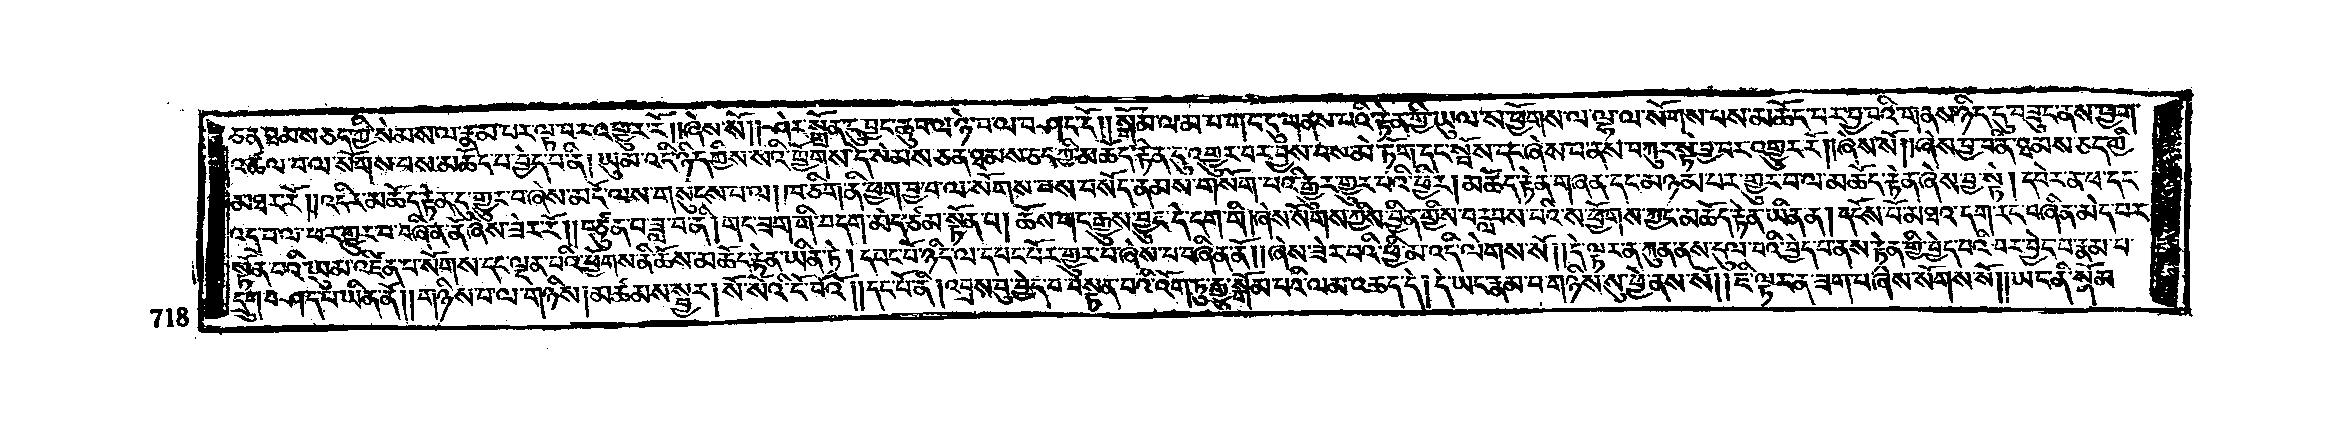ཅན་ཐམས་ཅད་ཀྱི་སེམས་ལ་རྣམ་པར་ལྟ་བར་འགྱུར་རོ། །ཞེས་སོ། །ཤེར་སྒྲོན་དུ་བྱང་ཆུབ་ལ་ཉེ་བ་ལ་བཤད་དོ། །སྒོམ་ལམ་པ་གང་དུ་གནས་པའི་རྟེན་གྱི་ཡུལ་ས་ཕྱོགས་ལ་ལྷ་ལ་སོགས་པས་མཆོད་པར་བྱ་བའི་གནས་ཉིད་དུ་བཟུང་ནས་ཕྱག་
འཆལ་བ་ལ་སོགས་པས་མཆོད་པ་བྱེད་པ་ནི། ཡུམ་འདི་ཉིད་ཀྱིས་སའི་ཕྱོགས་དེ་སེམས་ཅན་ཐམས་ཅད་ཀྱི་མཆོད་རྟེན་དུ་འགྱུར་བར་བྱས་པས་མེ་ཏོག་དང་སྦོས་དང་ཞེས་པ་ནས་བཀུར་སྟེ་བྱ་བར་འགྱུར་རོ། །ཞེས་སོ། །ཞེས་བྱ་བ་ནི་ཐམས་ཅད་ཀྱི་
མཐར་རོ། །འདིར་མཆོད་རྟེན་དུ་གྱུར་བ་ཞེས་མདོ་ལས་གསུངས་པ་ལ། ཁ་ཅིག་ནི་ཕྱག་བྱ་བ་ལ་སོགས་པས་བསོད་ནམས་གསོག་པའི་རྒྱུར་གྱུར་པའི་ཕྱིར། མཆོད་རྟེན་གཞན་དང་མཉམ་པར་གྱུར་པ་ལ་མཆོད་རྟེན་ཞེས་བྱ་སྟེ། དཔེར་ན་ཕ་དང་
འདྲ་བ་ལ་ཕར་གྱུར་བ་བཞིན་ནོ་ཞེས་ཟེར་རོ། །བཙུན་པ་ཟླ་བ་ནི། གང་ཟག་གི་བདག་མེད་ཙམ་སྟོན་པ། ཆོས་གང་རྒྱུས་བྱུང་དེ་དག་གི །ཞེས་སོགས་ཀྱིས་བྱིན་གྱིས་བརླབས་པའི་ས་ཕྱོགས་ཀྱང་མཆོད་རྟེན་ཡིན་ན། དངོས་པོ་མཐའ་དག་རང་བཞིན་མེད་པར་
སྟོན་པའི་ཡུམ་འཛིན་པ་སོགས་དང་ལྡན་པའི་ཕྱོགས་ནི་ཆེཨོ་མཆོད་རྟེན་ཡིན་ཏེ། དབང་པོ་ཉིད་ལ་དབང་པོར་གྱུར་པ་ཞེས་པ་བཞིན་ནོ། །ཞེས་ཟེར་བའི་ཕྱི་མ་འདི་ལེགས་སོ། །དེ་ལྟར་ན་ཀུན་ནས་དུལ་བའི་བྱེད་པ་ནས་རྟེན་གྱི་བྱེད་པའི་བར་བྱེད་པ་རྣམ་པ་
དྲུག་བཤད་པ་ཡིན་ནོ། །གཉིས་པ་ལ་གཉིས། མཚམས་སྦྱར། སོ་སོའི་ངོ་བོའོ། །དང་པོ་ནི། འབྲས་བུ་བྱེད་པ་བསྟན་པའི་འོག་ཏུ་རྒྱུ་སྒོམ་པའི་ལམ་འཆད་དེ། དེ་ཡང་རྣམ་པ་གཉིས་སུ་ཕྱེ་ནས་སོ། །ཇི་ལྟར་ན་ཟག་པ་ཞེས་སོགས་སོ། །ཡང་ནི་སྒོམ་